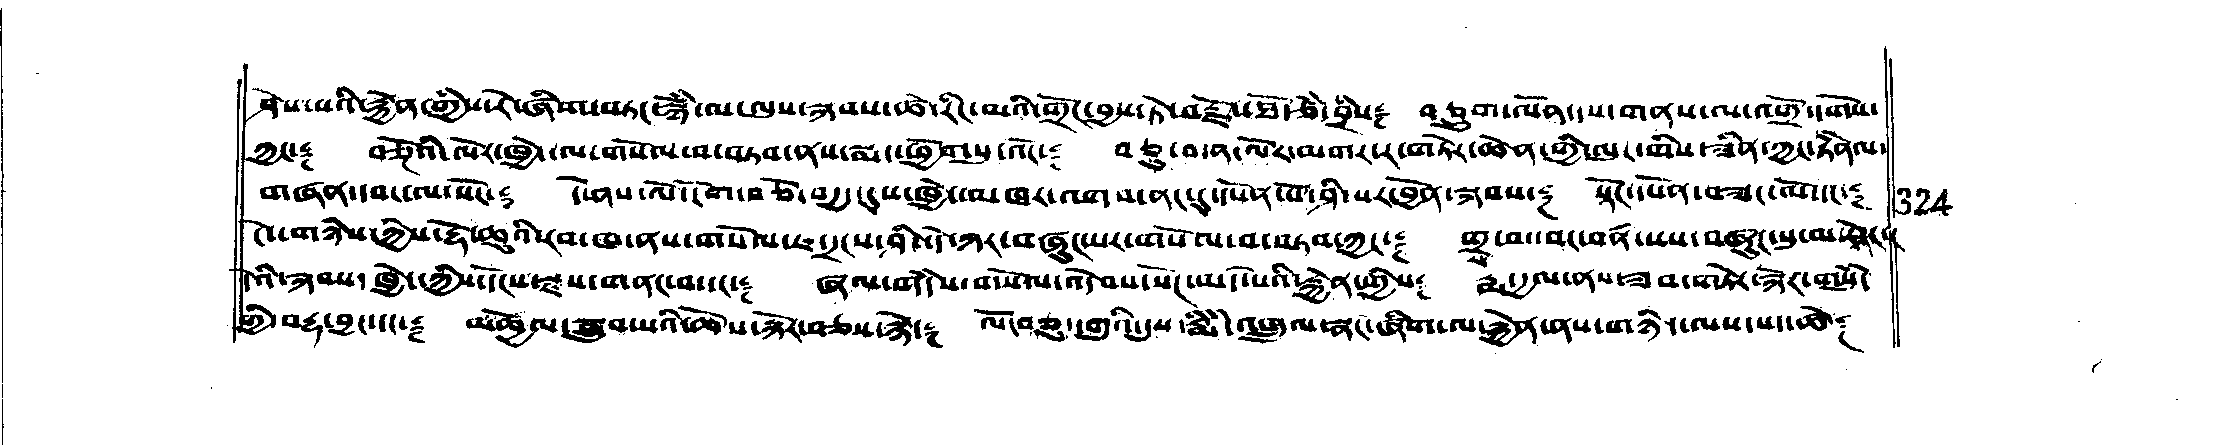ཤེས་པའི་རྐྱེན་གྱིས་རེ་ཞིག་བཏང་སྙོམས་ལ་ལུས་སྐབས་ཚེ་རིང་མའི་གྲོགས་བྱས་ཏེ་བརྗེད་ཐོ་ཙམ་བྲིས།བཅུ་དྲུག་ལོན་དུས་གནས་ལ་འགྲོ་དགོས་
ཀྱང་། བཅོ་ལྔའི་ལོར་ཁྱེད་ལ་གསོལ་བ་བཏབ་ནས་སྨད་ཕྱོགས་སུ་འོང་། བཅུ་བདུན་ལོར་མགར་ར་གཏེར་ཆེན་གྱི་ལུང་གིས་ཟིན་ཀྱང་རྟེན་འབྲེལ་
གཞན་དབང་ལ་སོང་། དེ་ནས་ལོ་ངོ་བཅོ་བརྒྱད་དུས་ཁྱེད་མཁར་འགབ་ནང་དུ་དཔོན་པོ་ཤི་སར་བྱོན་སྐབས། སྟོང་དཔོན་བཟང་ལོ་དང་། 
ངེད་གཉིས་ཀྱིས་རྡོ་ཆུའི་རབ་ཁ་ནས་གསོལ་ཇ་དྲངས་ཤིང་དེ་ཀར་བཞུགས་པར་གསོལ་བ་བཏབ་ཀྱང་། གྲྭ་པ་དབང་བཙན་པས་བཞུགས་སུ་མ་སྟེར། 
དེའི་སྐབས་ཁྱེད་ཀྱིས་དངོས་རྫས་གནང་བ་དང་། ཞལ་གདམས་གསོལ་འདེབས་སོགས་མཛད་པའི་རྐྱེན་གྱིས། རྨ་རྒྱལ་ནས་ཟབ་གཏེར་སྐོར་གསུམ་
གྱི་བརྡ་བྱང་དང་། མཚོ་རྒྱལ་སྒྲུབ་པའི་ཆོས་སྐོར་བཅས་རྙེད། ལོ་བཅུ་དགུའི་དུས་རྨི་ལམ་འཁྲུལ་སྣང་ཞིག་ལ་རྐྱེན་ནས་གཉིད་ལས་སད་ཚེ།